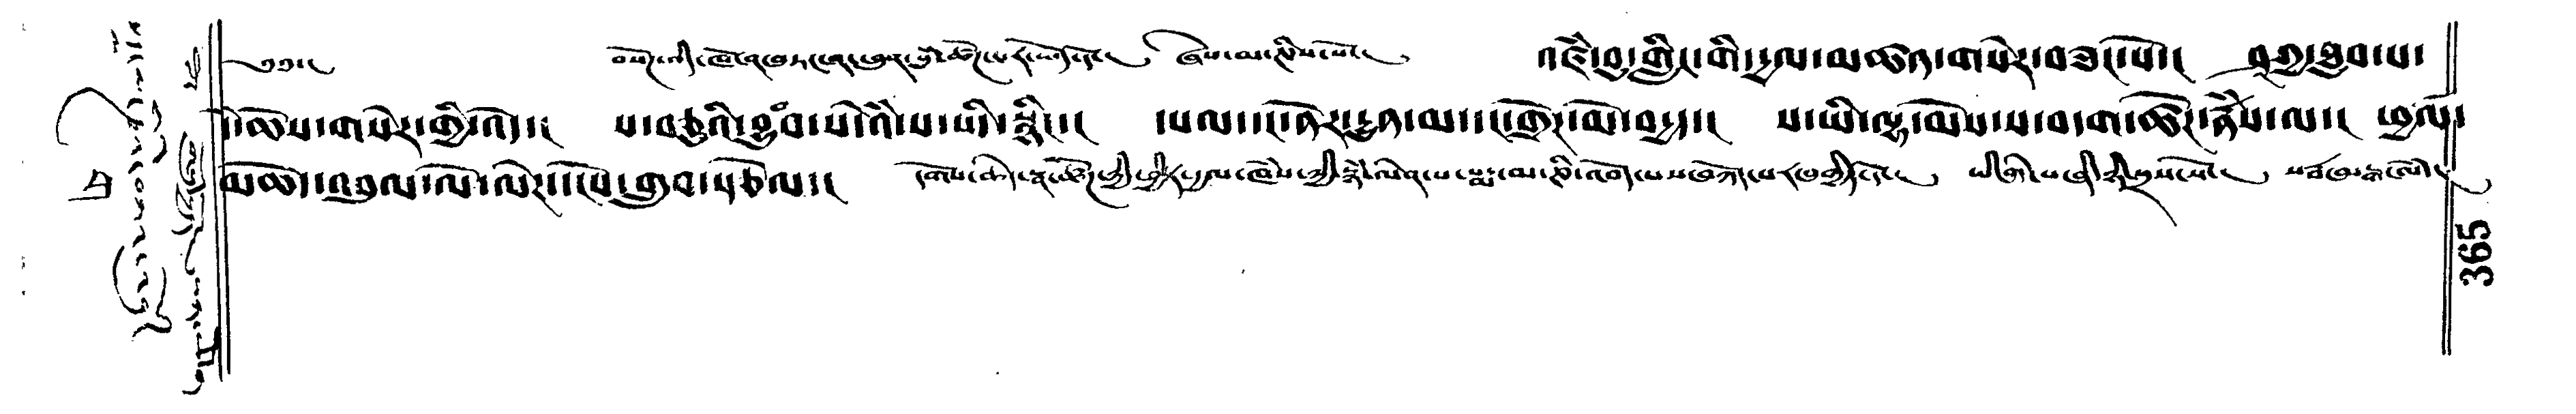གསོག་འདི་ཁོ་ན་བཏང་ན་ཕུན་སུམ་ཚོགས་པར་ཡོད་དོ། ཞེས་མ་ཎིས་སོ། ། འཛམ་བུ་གླིང་གི་རྒྱལ་མཚན་གསེར་བཟང་པོ། །ཤཱཀྱ་ཐུབ་པ་
དམ་ཆོས་གསེར་གྱི་འོད། ས་བཅུའི་བྱང་ཆུབ་སེམས་དཔའ་ས་ཡི་སྙིང་། །དཔལ་དང་ནོར་རྒྱུན་མ་དང་གྲོགས་མོ་བརྒྱད། །ས་ཡི་ལྷ་མོ་ས་བདག་ཚོགས་རྣམས་ལ། ཕྱག་འཚལ་
མཆོད་འབུལ་ལོ་ལེགས་དངོས་གྲུབ་སྩོལ། ། དགོས་ཆེད་སྣ་ཚོགས་ཀྱི་ཕྱིར་རྒྱལ་ཁམས་ཀྱི་སྙོམ་ལས་པ་པདྨ་མ་ཎིར་འབོད་པས་བཀོད་དོ། ཡི་གེ་པ་ནི་ཉི་སྲས་སོ།། སརྦ་མངྒ་ལཾ།། དགེའོ།།